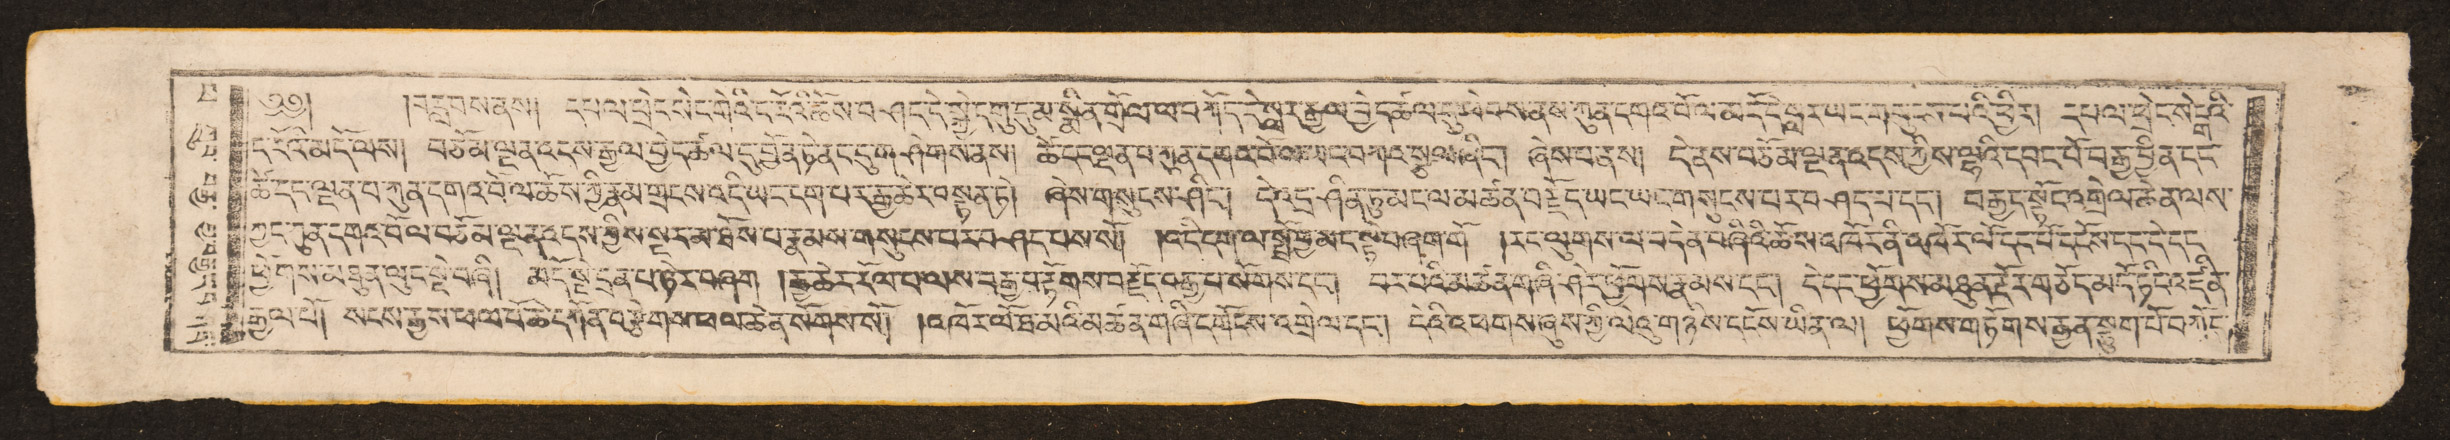༄༅། །བརླབས་ནས། དཔལ་ཕྲེང་སེང་གེའི་ང་རོའི་ཆོས་བཤད་དེ་སྐྱེ་དགུ་དུ་མ་སྨིན་གྲོལ་ལ་བཀོད་དེ་སླར་རྒྱལ་བྱེད་ཚལ་དུ་ཕེབས་ནས་ཀུན་དགའ་བོ་ལ་མདོ་དེ་སླར་ཡང་གསུངས་པའི་ཕྱིར། དཔལ་ཕྲེང་སེངྒེའི་
ང་རོའི་མདོ་ལས། བཅོམ་ལྡན་འདས་རྒྱལ་བྱེད་ཚལ་དུ་བྱོན་ཏེ་ནང་དུ་གཤེགས་ནས། ཚེ་དང་ལྡན་པ་ཀུན་དགའ་བོ་ལ་ཡང་བཀའ་སྩལ་ཞིང་། ཞེས་པ་ནས། དེ་ནས་བཅོམ་ལྡན་འདས་ཀྱིས་ལྷའི་དབང་པོ་བརྒྱ་བྱིན་དང་
ཚེ་དང་ལྡན་པ་ཀུན་དགའ་བོ་ལ་ཆོས་ཀྱི་རྣམ་གྲངས་འདི་ཡང་དག་པར་རྒྱ་ཆེར་བསྟན་ཏེ། ཞེས་གསུངས་ཤིང་། དེ་འདྲ་ཤིན་ཏུ་མང་ལ་མཚན་བརྗོད་ཡང་ཡང་གསུངས་པར་བཤད་པ་དང་། བརྒྱད་སྟོང་འགྲེལ་ཆེན་ལས་
ཀྱང་ཀུན་དགའ་བོ་ལ་བཅོམ་ལྡན་འདས་ཀྱིས་སྔར་མ་ཐོས་པ་རྣམས་གསུངས་པར་བཤད་པས་སོ། །འདི་དག་ལ་སྤྲོ་བྱ་མང་སྟེ་བཞག་གོ །རང་ལུགས་ལ་བདེན་བཞིའི་ཆོས་འཁོར་ནི་འཁོར་ལོ་དང་པོ་དངོས་དང་དེ་དང་
ཕྱོགས་མཐུན་ལུང་སྡེ་བཞི། མདོ་སྡེ་དྲན་པ་ཉེར་བཞག །རྒྱ་ཆེར་རོལ་པ་ལས་བརྒྱ་པ་རྟོགས་བརྗོད་བརྒྱ་པ་སོགས་དང་། བར་པའི་མཚན་གཞི་ཤེར་ཕྱོགས་རྣམས་དང་། དེ་དང་ཕྱོགས་མཐུན་རྡོར་གཅོད་མདོ་ཏིང་འཛིན་
རྒྱལ་པོ། སངས་རྒྱས་ཕལ་པོ་ཆེ་དཀོན་བརྩེགས་ཕལ་ཆེན་སོགས་སོ། །འཁོར་ལོ་ཐ་མའི་མཚན་གཞི་དགོངས་འགྲེལ་དང་། དེའི་འཕགས་ཞུས་ཀྱི་ལེའུ་གཉིས་དངོས་ཡིན་ལ། ཕྱོགས་གཏོགས་རྒྱན་སྟུག་པོ་བཀོད་